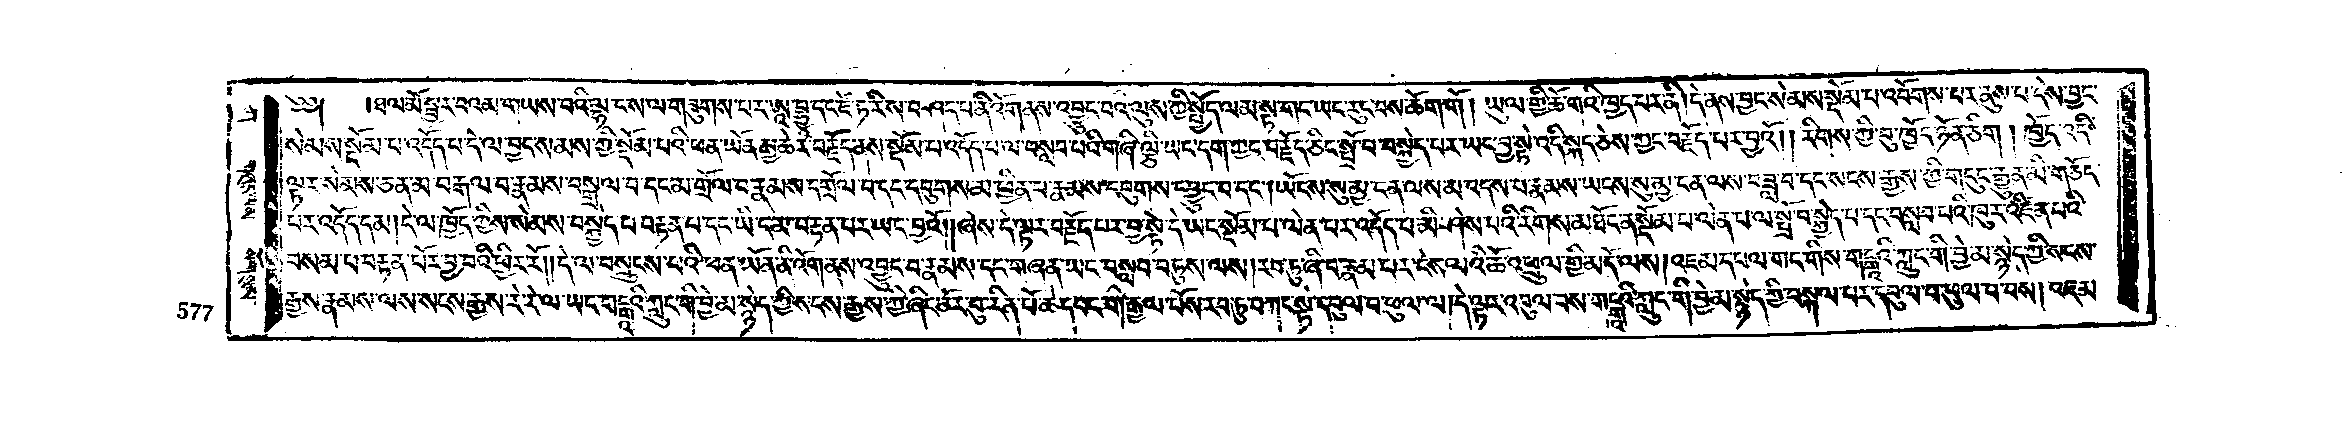༄༅། །ཐལ་མོ་སྦྱར་བའམ་གཡས་བའི་ལྷ་ང་ས་ལ་གཟུགས་པར་ཨཱ་བྷྱ་དང་ཛེ་ཏ་རིས་བཤད་པ་ནི་འོག་ནས་འབྱུང་བའི་ལུས་ཀྱི་སྤྱོད་ལམ་སྟ་གང་ཡང་རུང་བས་ཆོག་གོ །ཡུལ་གྱི་ཆོ་གའི་ཁྱད་པར་ནི། དེ་ནས་བྱང་སེམས་སྡོམ་པ་འབོགས་པར་ནུས་པ་དེས་བྱང་
སེམས་སྡོམ་པ་འདོད་པ་དེ་ལ་བྱང་སམས་ཀྱི་སྡོམ་པའི་ཕན་ཡོན་རྒྱ་ཆེར་བརྗོད་ནས་སྡོམ་པ་འདོད་པ་ལ་བསླབ་པའི་གཞི་ལྕི་ཡང་དག་ཀྱང་བརྗོད་ཅིང་སྤྲོ་བ་བསྐྱེད་པར་ཡང་བྱ་སྟེ་འདི་སྐད་ཅེས་ཀྱང་བརྗོད་པར་བྱའོ། །རིགས་ཀྱི་བུ་ཁྱོད་ཉོན་ཅིག ། ཁྱོད་འདི་
ལྟར་སེམས་ཅན་མ་བརྒལ་བ་རྣམས་བསྒྲལ་བ་དང་མ་གྲོལ་བ་རྣམས་དགྲོལ་བ་དང་དབུགས་མ་ཕྱིན་པ་རྣམས་དབུགས་དབྱུང་བ་དང་། ཡོངས་སུ་མྱ་ངན་ལས་མ་འདས་པ་རྣམས་ཡངས་སུ་མྱ་ངན་ལས་བཟླ་བ་དང་སངས་རྒྱས་ཀྱི་གདུང་རྒྱུན་མི་གཅོད་
པར་འདོད་དམ། དེ་ལ་ཁྱོད་ཀྱིས་སེམས་བསྐྱེད་པ་བརྟན་པ་དང་ཡི་དམ་བརྟན་པར་ཡང་བྱའོ། །ཞེས་དེ་ལྟར་བརྗོད་པར་བྱ་སྟེ་དེ་ཡང་སྡོམ་པ་ལེན་པར་འདོད་པ་མི་ཤེས་པའི་རིགས་མཐོང་ན་སྡོམ་པ་ལེན་པ་ལ་སྤྲོ་བ་སྐྱེད་པ་དང་བསླབ་པའི་ཁུར་འཛིན་པའི་
བསམ་པ་བརྟན་པོར་བྱ་བའི་ཕྱིར་རོ། །དེ་ལ་བསྲུངས་པའི་ཕན་ཡོན་ནི་འོག་ནས་འབྱུང་བ་རྣམས་དང་གཞན་ཡང་བསླབ་བཏུས་ལས། རབ་ཏུ་ཞི་བ་རྣམ་པར་ངེས་ལའི་ཆོ་འཕྲུལ་གྱི་མདོ་ལས། འཇམ་དཔལ་གང་གིས་གངྒཱའི་ཀླུང་གི་བྱེ་མ་སྙེད་ཀྱི་སངས་
རྒྱས་རྣམས་ལས་སངས་རྒྱས་རེ་རེ་ལ་ཡང་གངྒཱའི་ཀླུང་གི་བྱེ་མ་སྙེད་ཀྱི་སངས་རྒྱས་ཀྱི་ཞིང་ནོར་བུ་རིན་པོ་ཆེ་དབང་གི་རྒྱལ་པོས་རབ་ཏུ་བཀང་སྟེ་དབུལ་བ་ཕུལ་ལ། དེ་ལྟར་འབུལ་བས་གངྒཱའི་ཀླུང་གི་བྱེ་མ་སྙེད་ཀྱི་བསྐལ་པར་དབུལ་བ་ཕུལ་བ་བས། འཇམ་